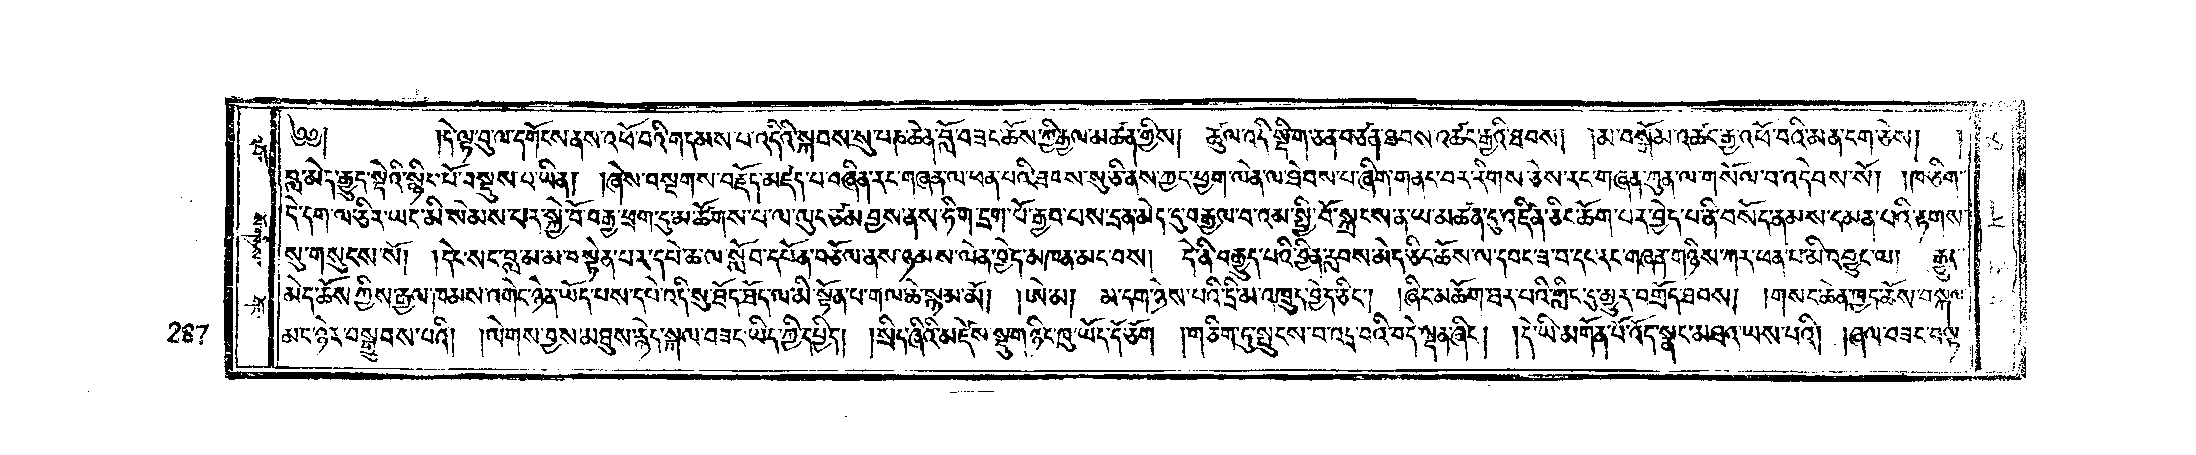༄༅། །དེ་ལྟ་བུ་ལ་དགོངས་ནས་འཕོ་བའི་གདམས་པ་འདིའི་སྐབས་སུ་པཎ་ཆེན་བློ་བཟང་ཆོས་ཀྱི་རྒྱལ་མཚན་གྱིས། ཚུལ་འདི་སྡིག་ཅན་བཙན་ཐབས་འཚང་རྒྱའི་ཐབས། །མ་བསྒོམ་འཚང་རྒྱ་འཕོ་བའི་མན་ངག་ཅེས། །
བླ་མེད་རྒྱུད་སྡེའི་སྙིང་པོ་བསྡུས་པ་ཡིན། །ཞེས་བསྔགས་བརྗོད་མཛད་པ་བཞིན་རང་གཞན་ལ་ཕན་པའི་ཐབས་སུ་ཅི་ནས་ཀྱང་ཕྱག་ལེན་ལ་ཐེབས་པ་ཞིག་གནང་བར་རིགས་ཅེས་རང་གཞན་ཀུན་ལ་གསོལ་བ་འདེབས་སོ། །ཁ་ཅིག་
དེ་དག་ལ་ཅིར་ཡང་མི་སེམས་པར་སྐྱེ་བོ་བརྒྱ་ཕྲག་དུ་མ་ཚོགས་པ་ལ་ལུང་ཙམ་བྱས་ནས་ཧིག་དྲག་པོ་རྒྱབ་པས་དྲན་མེད་དུ་བརྒྱལ་བའམ་སྤྱི་བོ་སྐྲངས་ན་ཡ་མཚན་དུ་འཛིན་ཅིང་ཆོག་པར་བྱེད་པ་ནི་བསོད་ནམས་དམན་པའི་རྟགས་
སུ་གསུངས་སོ། །དེང་སང་བླ་མ་མ་བསྟེན་པར་དཔེ་ཆ་ལ་སློབ་དཔོན་བཅོལ་ནས་ཉམས་ལེན་བྱེད་མཁན་མང་བས། དེ་ནི་བརྒྱུད་པའི་བྱིན་རླབས་མེད་ཅིང་ཆོས་ལ་དབང་ཟ་བ་དང་རང་གཞན་གཉིས་ཀར་ཕན་པ་མི་འབྱུང་ལ། རྒྱུད་
མེད་ཆོས་ཀྱིས་རྒྱལ་ཁམས་འགེང་ཉེན་ཡོད་པས་དཔེ་འདི་སུ་ཐོད་ཐོད་ལ་མི་སྟོན་པ་གལ་ཆེ་སྙམ་མོ། །ཨེ་མ། མ་དག་ཉེས་པའི་དྲི་མ་འཁྲུད་བྱེད་ཅིང་། །ཞིང་མཆོག་ཐར་པའི་གླིང་དུ་མྱུར་བགྲོད་ཐབས། །གསང་ཆེན་ཁྱད་ཆོས་བསྐལ་
མང་ཉེར་བསྒྲུབས་པའི། །ལེགས་བྱས་མཐུས་རྙེད་སྐལ་བཟང་ཡིད་ཀྱི་དཔྱིད། །སྲིད་ཞིའི་མཛེས་སྡུག་ཉིང་ཁུ་ཡོད་དོ་ཅོག །གཅིག་ཏུ་སྤུངས་པ་འདྲ་བའི་བདེ་ལྡན་ཞིང་། །དེ་ཡི་མགོན་པོ་འོད་སྣང་མཐའ་ཡས་པའི། །ཞལ་བཟང་བལྟ་